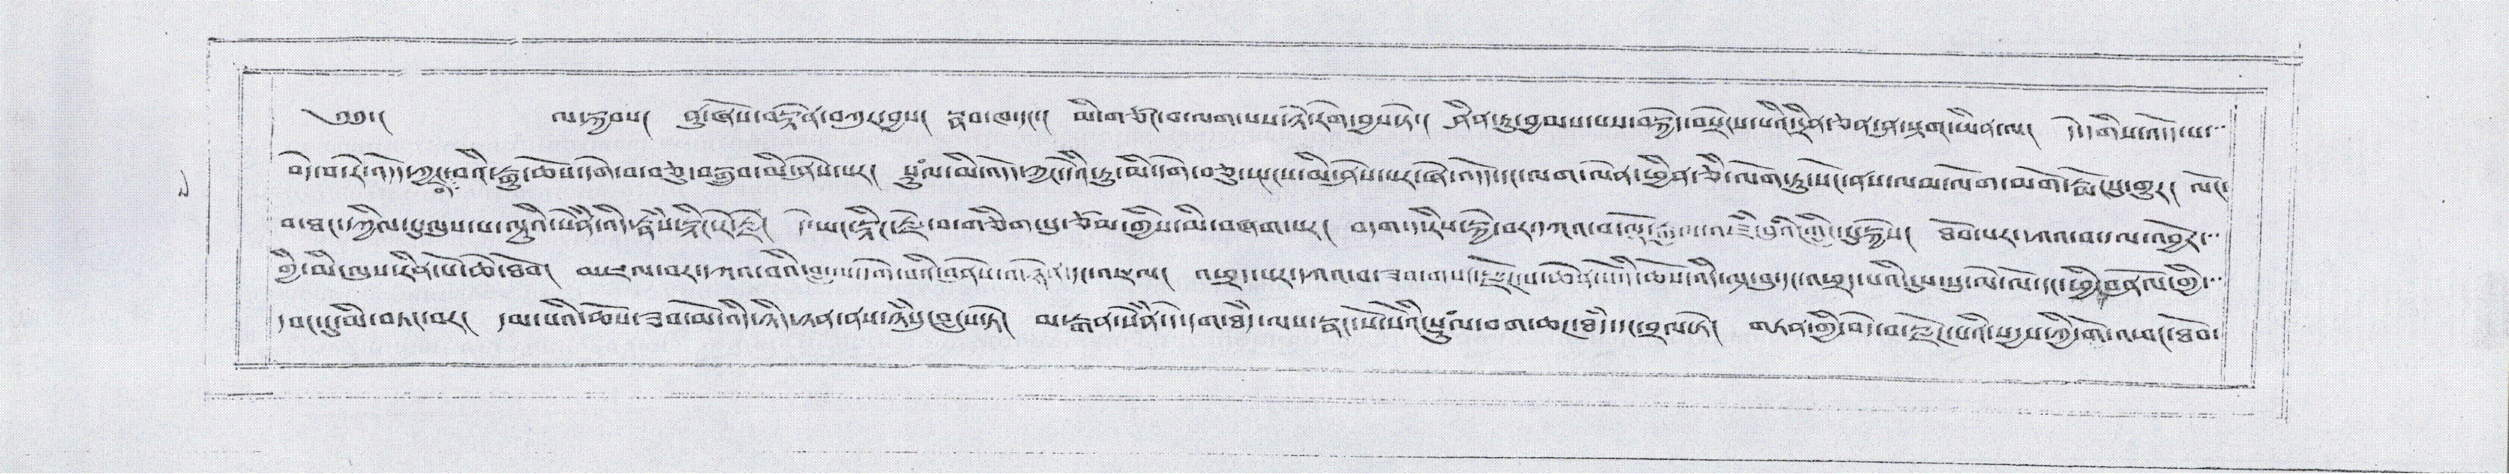ལ་སྐྱབས། ནུ་ཞོས་བསྙེན་བཀུར་བྱས། སྣབ་ཁ་དང་། མི་གཙང་བ་ལག་པས་ཉེ་རེག་བྱས་ཏེ་ཤིན་ཏུ་བྱམས་པས་སྐྱེད་བསྲིངས་པའི་དྲིན་ཅན་ཤ་སྟག་ཡིན་ལ། དེ་དག་གིས་འདོད་པ་
བདེ་བ་རེ་འདོད་ཀྱང་བདེ་བའི་རྒྱུ་ཆོས་དགེ་བ་བཅུ་བསྒྲུབ་མི་ཤེས་པར་སྡུག་བསྔལ་མི་འདོད་ཀྱང་དེའི་རྒྱུ་མི་དགེ་བཅུ་སྤང་མི་ཤེས་པར་ཞེ་འདོད་དང་ལག་ལེན་ཕྱིན་ཅི་ལོག་ཏུ་སོང་ནས་ལམ་ལོག་མགོ་རྨོངས་སུ་གྱུར། ལོང་
བ་ཐང་དཀྱིལ་དུ་ལུས་པ་ལྟ་བུའི་སེམས་ཅན་འདི་རྣམས་སྙིང་རེ་རྗེ། དེ་ཡང་སྙིང་རྗེ་བ་གཅིག་པུ་ཙམ་གྱིས་མི་བཞག་པར། བདག་ད་རེས་སྐྱེ་བར་དཀའ་བ་ལྷོ་རྒྱལ་འཛམ་བུ་གླིང་དུ་སྐྱེས། ཐོབ་པར་དཀའ་བ་དལ་འབྱོར་
གྱི་མི་ལུས་རིན་པོ་ཆེ་ཐོབ། མཇལ་བར་དཀའ་བའི་བླ་མ་དགེ་བའི་བཤེས་གཉེན་དང་མཇལ། འཕྲད་པར་དཀའ་བ་ཟབ་གསང་རྫོགས་པ་ཆེན་པོའི་ཆོས་འདི་ལྟ་བུ་དང་འཕྲད་པའི་དུས་སུ་ལེ་ལོ་དང་ཕྱིར་བཤོལ་གྱི་
དབང་དུ་མི་གཏོང་བར། དམ་པའི་ཆོས་ཟབ་མོ་འདི་ཉིད་ཉན་ནས་ཉམས་སུ་བླང་སྟེ། མ་རྒན་སེམས་ཅན་དེ་དག་ཐམས་ཅད་ལས་སྣང་སོ་སོའི་སྡུག་བསྔལ་བག་ཆགས་ཐམས་ཅད་དང་བྲལ་ཏེ། གཏན་གྱི་བདེ་བ་རྫོགས་པའི་སངས་རྒྱས་ཀྱི་གོ་འཕང་ཐོབ་